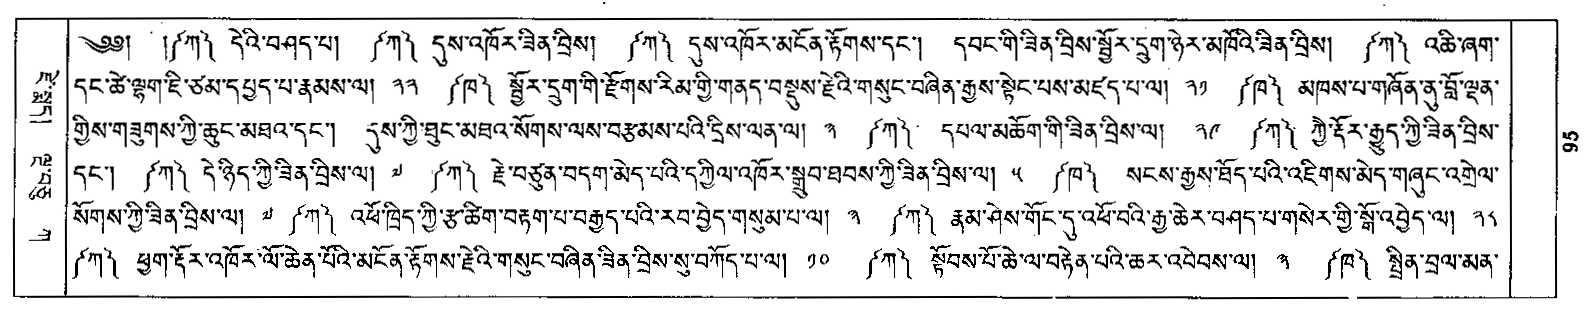༄༅། །?ཀ༼་དེའི་བཤད་པ། ?ཀ༽ དུས་འཁོར་ཟིན་བྲིས། ?ཀ༼་དུས་འཁོར་མངོན་རྟོགས་དང་། དབང་གི་ཟིན་བྲིས་སྦྱོར་དྲུག་ཉེར་མཁོའི་ཟིན་བྲིས། ?ཀ༽ འཆི་ཞག་
དང་ཚེ་ལྷག་ཇི་ཙམ་དཔྱད་པ་རྣམས་ལ། ༢༢་?ཁ༼་སྦྱོར་དྲུག་གི་རྫོགས་རིམ་གྱི་གནད་བསྡུས་རྗེའི་གསུང་བཞིན་རྒྱས་སྟེང་པས་མཛད་པ་ལ། ༢༡་?ཁ༽ མཁས་པ་གཞོན་ནུ་བློ་ལྡན་
གྱིས་གཟུགས་ཀྱི་ཆུང་མཐའ་དང་། དུས་ཀྱི་ཐུང་མཐའ་སོགས་ལས་བརྩམས་པའི་དྲིས་ལན་ལ། ༣་?ཀ༼་དཔལ་མཆོག་གི་ཟིན་བྲིས་ལ། ༢༩་?ཀ༽ ཀྱཻ་རྡོར་རྒྱུད་ཀྱི་ཟིན་བྲིས་
དང་། ?ཀ༼་དེ་ཉིད་ཀྱི་ཟིན་བྲིས་ལ། ༧་?ཀ༽ རྗེ་བཙུན་བདག་མེད་པའི་དཀྱིལ་འཁོར་སྒྲུབ་ཐབས་ཀྱི་ཟིན་བྲིས་ལ། ༥་?ཁ་སངས་རྒྱས་ཐོད་པའི་འཇིགས་མེད་གཞུང་འགྲེལ་
སོགས་ཀྱི་ཟིན་བྲིས་ལ། ༧་?ཀ༼་འཕོ་ཁྲིད་ཀྱི་རྩ་ཚིག་བརྟགས་པ་བརྒྱད་པའི་རབ་བྱེད་དེ་གསུམ་པ་ལ། ༣་?ཀ༽ རྣམ་ཤེས་གོང་དུ་འཕོ་བའི་རྒྱ་ཆེར་བཤད་པ་གསེར་གྱི་སྒོ་འབྱེད་ལ། ༢༨
?ཀ༼་ཕྱག་རྡོར་འཁོར་ལོ་ཆེན་པོའི་མངོན་རྟོགས་རྗེའི་གསུང་བཞིན་ཟིན་བྲིས་སུ་བཀོད་པ་ལ། ༡༠་?ཀ༽ སྟོབས་པོ་ཆེ་ལ་བརྟེན་པའི་ཆར་འབེབས་ལ། ༣་?ཁ་སྤྲིན་བྲལ་མན་